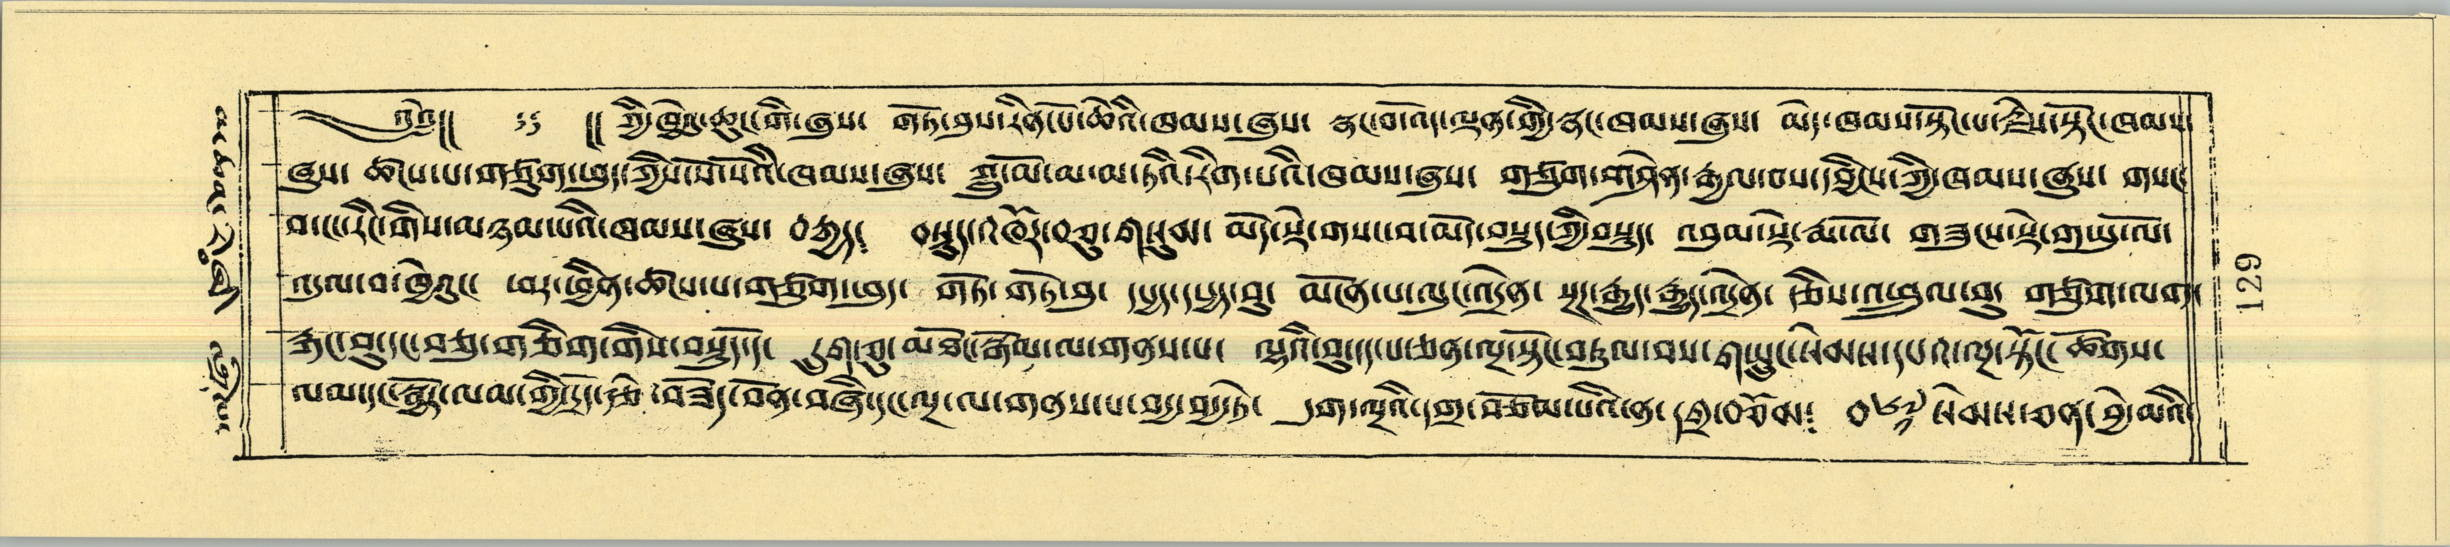ཀྱི་ཁྱེའུ་ཆུང་གིས་ཞུས། གཏོ་བུས་རིན་པོ་ཆེའི་ཁམས་ཞུས། སྣང་བ་འོད་ལྡན་གྱིས་སྣང་ཁམས་ཞུས། མེད་ཁམས་སྟོང་པ་རྗེས་སྟོང་ཁམས་
ཞུས། ཚངས་པ་གཙུག་ཕུད་ཀྱིས་སོ་སོའི་ཁམས་ཞུས། ཀླུ་མོ་མ་མ་དེས་རིག་པའི་ཁམས་ཞུས། གཙུག་གཤེན་རྒྱལ་བས་དབྱིངས་ཀྱི་ཁམས་ཞུས། གསང་
བ་ངང་རིང་གིས་མཉམ་པའི་ཁམས་ཞུས།༼བརྒྱད༽༼སྡུད་འཁོར་བཅུ་གསུམ༽མདོ་སྡེ་གསང་བ་མདོ་སྡུད་ཀྱིས་བསྡུས་འབུམ་སྡེ་རྨ་ལོ་གཟུངས་སྡེ་གཡུ་ལོ་
འདུལ་བ་ཁྱེའུ་ཆུང་ཕར་ཕྱིན་ཚངས་པ་གཙུག་ཕུད་གཏོ་གཏོ་བུ་དཔྱད་དཔྱད་བུ་མངོན་པ་ལུང་འདྲེན་སྔགས་རྒྱུད་རྒྱུད་འདྲེན་རྩིས་འཕྲུལ་བུ་གཙུག་ལག་
རྐང་བུ་དང་བཅུ་གཅིག་གིས་སྡུད་དོ།༼དྲུག་ཅུ༽མཐོང་སྒོམ་ལ་གནས་པ་ལྷའི་བུ་དད་པ་ཅན་ལྔ་སྟོང་བཏུལ་བས་༼གཡུང་དྲུང་སེམས་དཔའ་ལྔ་སྟོང་༽ཚོགས་
ལམ་དང་སྦྱོར་ལམ་གྱི་དྲོད་རྩེ་བཟོད་བོན་བཞི་དང་ལྔ་ལ་གནས་པ་བརྒྱ་བརྒྱ་སྟེ་དུག་ལྔའི་དགྲ་བཅོམ་པས་ན་༼དགྲ་བཅོམ༽བ༦༧།༼སེམས་ཅན༽བྱེ་མའི་